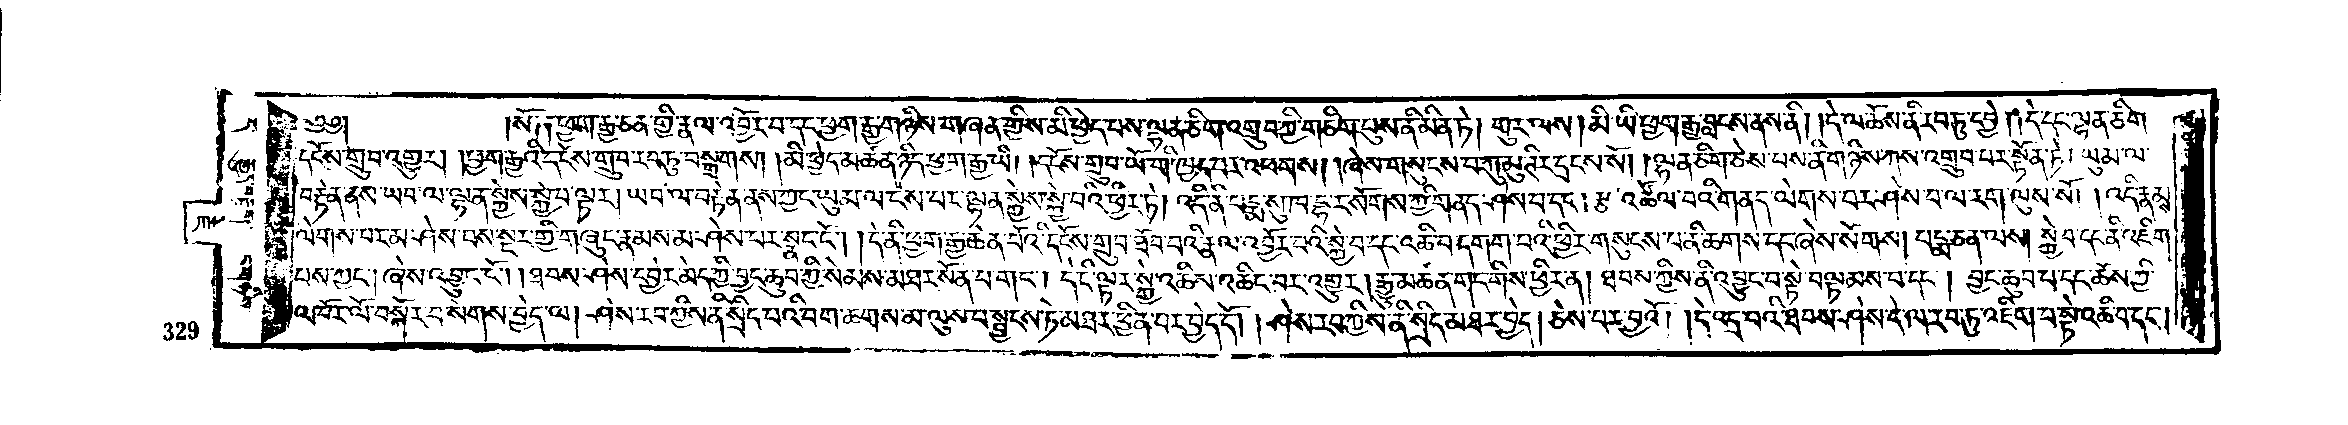༄༅། །སོ། །ཕྱག་རྒྱ་ཅན་གྱི་རྣལ་འབྱོར་པ་དང་ཕྱག་རྒྱ་གཉིས་གཞན་གྱིས་མི་ཕྱེད་པས་ལྷན་ཅིག་འགྲུབ་ཀྱི་གཅིག་པུས་ནི་མིན་ཏེ། གུར་ལས། མི་ཡི་ཕྱག་རྒྱ་བླངས་ནས་ནི། །དེ་ལ་ཆོས་ནི་རབ་ཏུ་དབྱེ། །དེ་དང་ལྷན་ཅིག་
དངོས་གྲུབ་འགྱུར། །ཕྱག་རྒྱའི་དངོས་གྲུབ་རབ་ཏུ་བསྒྲགས། །མི་ཕྱེད་མཚན་ཉིད་ཕྱག་རྒྱ་ཡི། །དངོས་གྲུབ་ཡོ་གི་ཁྱད་པར་འཕགས། །ཞེས་གསུངས་པ་ཀུ་མུ་ཊིར་དྲངས་སོ། །ལྷན་ཅིག་ཅེས་པས་ནི་གཉིས་ཀས་འགྲུབ་པར་སྟོན་ཏེ། ཡུམ་ལ་
བརྟེན་ནས་ཡབ་ལ་ལྷན་སྐྱེས་སྐྱེ་བ་ལྟར། ཡབ་ལ་བརྟེན་ནས་ཀྱང་ཡུམ་ལ་ངེས་པར་ལྷན་སྐྱེས་སྐྱེ་བའི་ཕྱིར་ཏེ། འདི་ནི་པདམ་སུ་ཁ་དྷ་ར་སོགས་ཀྱི་གནད་ཤེས་པ་དང་། རྩ་འཚོལ་བའི་གནད་ལེགས་པར་ཤེས་པ་ལ་རག་ལུས་སོ། །འདི་རྣམས་
ལེགས་པར་མ་ཤེས་པས་སྔར་གྱི་གཞུང་རྣམས་མ་ཤེས་པར་སྣང་ངོ། །དེ་ནི་ཕྱག་རྒྱ་ཆེན་པོའི་དངོས་གྲུབ་ཐོབ་པའི་རྣལ་འབྱོར་བའི་སྐྱེ་བ་དང་འཆི་བ་དགག་པའི་ཕྱིར་གསུངས་པ་ནི་ཆགས་དང་ཞེས་སོགས། པདམ་ཅན་ལས། སྐྱེ་བ་དང་ནི་འཇིག་
པས་ཀྱང་། ཞེས་འབྱུང་ངོ། །ཐབས་ཤེས་དབྱེར་མེད་ཀྱི་བྱང་ཆུབ་ཀྱི་སེམས་མཐར་སོན་པ་གང་། དེ་ཇི་ལྟར་སྐྱེ་འཆིས་འཆིང་བར་འགྱུར། རྒྱུ་མཚན་གང་གིས་ཕྱིར་ན། ཐབས་ཀྱིས་ནི་འབྱུང་བ་སྟེ་བལྟམས་པ་དང་། བྱང་ཆུབ་པ་དང་ཆོས་ཀྱི་
འཁོར་ལོ་བསྐོར་བ་སོགས་བྱེད་ལ། ཤེས་རབ་ཀྱིས་ནི་སྲིད་པའི་བག་ཆགས་མ་ལུས་པ་སྦྱངས་ཏེ་མཐར་ཕྱིན་པར་བྱེད་དོ། །ཤེས་རབ་ཀྱིས་ནི་སྲིད་མཐར་བྱེད། ཅེས་པར་བྱའོ། །དེ་འདྲ་བའི་ཐབས་ཤེས་དེ་ལ་རབ་ཏུ་འཇིག་པ་སྟེ་འཆི་བ་དང་།